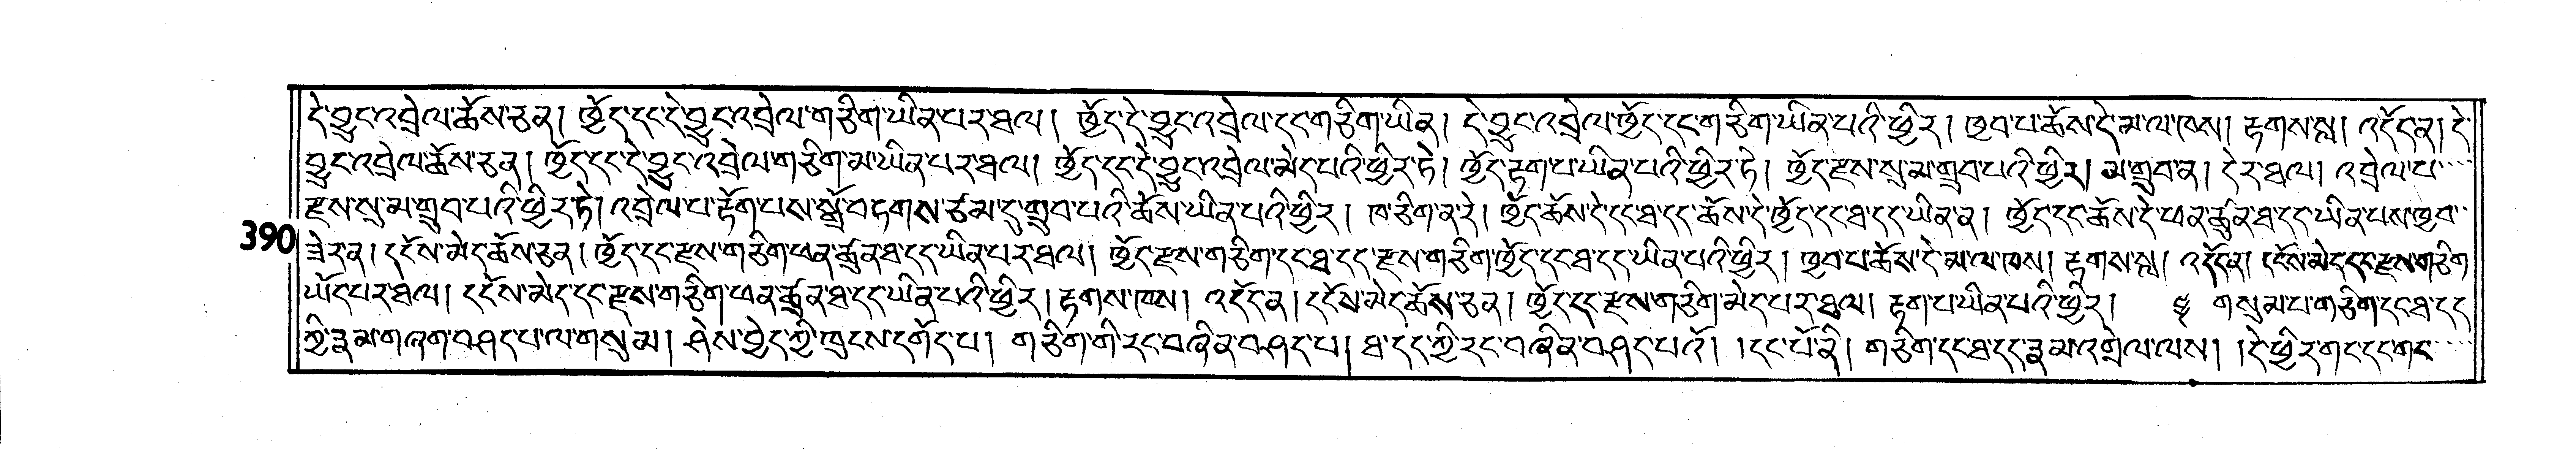དེ་བྱུང་འབྲེལ་ཆོས་ཅན། ཁྱོད་དང་དེ་བྱུང་འབྲེལ་གཅིག་ཡིན་པར་ཐལ། ཁྱོད་དེ་བྱུང་འབྲེལ་དང་གཅིག་ཡིན། དེ་བྱུང་འབྲེལ་ཁྱོད་དང་གཅིག་ཡིན་པའི་ཕྱིར། ཁྱབ་པ་ཆོས་དེ་མ་ལ་ཁས། རྟགས་སླ། འདོད་ན། དེ་
བྱུང་འབྲེལ་ཆོས་ཅན། ཁྱོད་དང་དེ་བྱུང་འབྲེལ་གཅིག་མ་ཡིན་པར་ཐལ། ཁྱོད་དང་དེ་བྱུང་འབྲེལ་མེད་པའི་ཕྱིར་ཏེ། ཁྱོད་རྟག་པ་ཡིན་པའི་ཕྱིར་ཏེ། ཁྱོད་རྫས་སུམ་གྲུབ་པའི་ཕྱིར། མ་གྲུབ་ན། དེར་ཐལ། འབྲེལ་བ་
རྫས་སུ་མ་གྲུབ་པའི་ཕྱིར་ཏེ། འབྲེལ་བ་རྟོག་པས་སྒྲོ་བཏགས་ཙམ་དུ་གྲུབ་པའི་ཆོས་ཡིན་པའི་ཕྱིར། ཁ་ཅིག་ན་རེ། ཁྱོད་ཆོས་དེ་དང་ཐ་དད་ཆོས་དེ་ཁྱོད་དང་ཐ་དད་ཡིན་ན། ཁྱོད་དང་ཆོས་དེ་ཕན་ཚུན་ཐ་དད་ཡིན་པས་ཁྱབ་
ཟེར་ན། དངོས་མེད་ཆོས་ཅན། ཁྱོད་དང་རྫས་གཅིག་ཕན་ཚུན་ཐ་དད་ཡིན་པར་ཐལ། ཁྱོད་རྫས་གཅིག་དང་ཐ་དད་རྫས་གཅིག་ཁྱོད་དང་ཐ་དད་ཡིན་པའི་ཕྱིར། ཁྱབ་པ་ཆོས་མེད་ལ་ལ་ཁས། རྟགས་སླ། འདོད་ན། དངོས་མེད་དང་རྫས་གཅིག་
ཡོད་པར་ཐལ། དངོས་མེད་དང་རྫས་གཅིག་ཕན་ཚུན་ཐ་དད་ཡིན་པའི་ཕྱིར། རྟགས་ཁས། འདོད་ན། དངོས་མེད་ཆོས་ཅན། ཁྱོད་དང་རྫས་གཅིག་མེད་པར་ཐལ། རྟག་པ་ཡིན་པའི་ཕྱིར། གསུམ་པ་གཅིག་དང་ཐ་དད་
ཀྱི་རྣམ་གཞག་བཤད་པ་ལ་གསུམ། ཤེས་བྱེད་ཀྱི་ཁུངས་དགོད་པ། གཅིག་གི་རང་བཟིན་བཤད་པ། ཐ་དད་ཀྱི་རང་བཞིན་བཤད་པའི། དང་པོ་ནི། གཅིག་དང་ཐ་དད་རྣམ་འགྲེལ་ལས། དེ་ཕྱིར་གང་དང་གང་